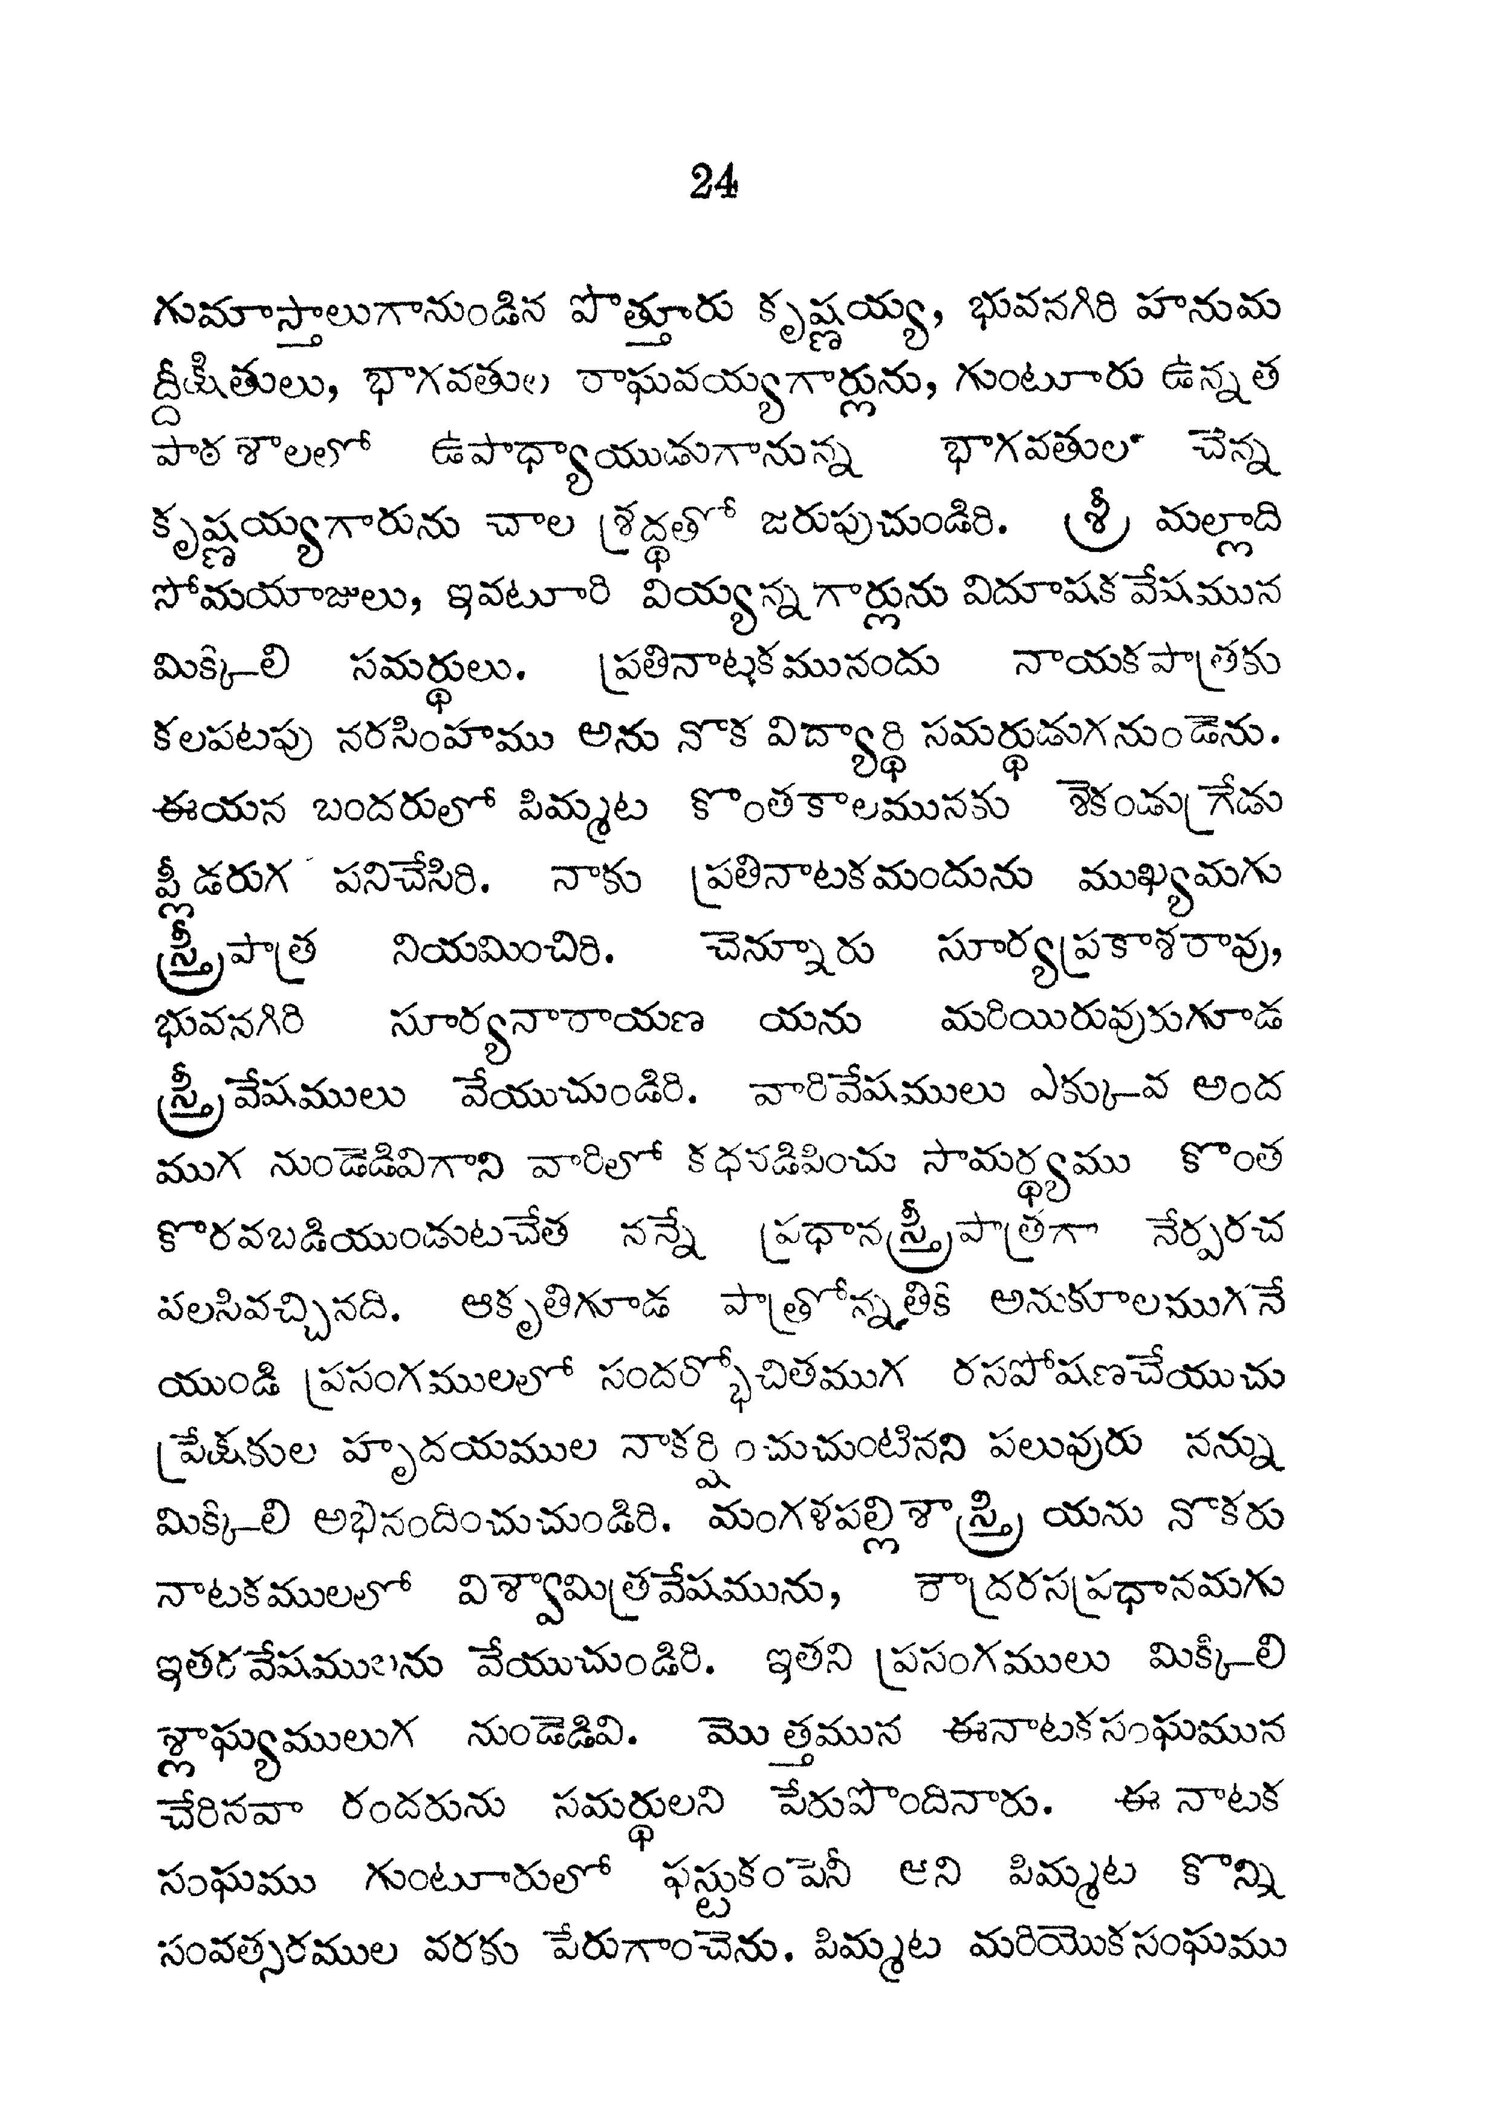గుమాస్తాలుగానుండిన పొత్తూరు కృష్ణయ్య, భువనగిరి హనుమద్దీక్షితులు, భాగవతుల రాఘవయ్యగార్లును, గుంటూరు ఉన్నత పాఠశాలలో ఉపాధ్యాయుడుగానున్న భాగవతుల చెన్నకృష్ణయ్యగారును చాల శ్రద్థతో జరుపుచుండిరి. శ్రీ మల్లాది సోమయాజులు, ఇవటూరి వియ్యన్న గార్లును విదూషకవేషమున మిక్కిలి సమర్థులు. ప్రతినాటకమునందు నాయకపాత్రకు కలపటపు నరసింహము అను నొక విద్యార్థి సమర్థుడుగనుండెను. ఈయన బందరులో పిమ్మట కొంతకాలమునకు శెకండుగ్రేడు ప్లీడరుగ పనిచేసిరి. నాకు ప్రతినాటకమందును ముఖ్యమగు స్త్రీపాత్ర నియమించిరి. చెన్నూరు సూర్యప్రకాశరావు, భువనగిరి సూర్యనారాయణ యను మరియిరువురుగూడ స్త్రీవేషములు వేయుచుండిరి. వారివేషములు ఎక్కువ అందముగ నుండెడివిగాని వారిలో కధనడిపించు సామర్థ్యము కొంత కొరవబడియుండుటచేత నన్నే ప్రధానస్త్రీపాత్రగా నేర్పరచ వలసివచ్చినది. ఆకృతిగూడ పాత్రోన్నతికి అనుకూలముగనే యుండి ప్రసంగములలో సందర్భోచితముగ రసపోషణచేయుచు ప్రేక్షకుల హృదయముల నాకర్షించుచుంటినని పలువురు నన్ను మిక్కిలి అభినందించుచుండిరి. మంగళపల్లిశాస్త్రి యను నొకరు నాటకములలో విశ్వామిత్రవేషమును, రౌద్రరసప్రధానమగు ఇతరవేషములను వేయుచుండిరి. ఇతని ప్రసంగములు మిక్కిలి శ్లాఘ్యములుగ నుండెడివి. మొత్తమున ఈనాటకసంఘమున చేరినవా రందరును సమర్థులని పేరుపొందినవారు. ఈ నాటక సంఘము గుంటూరులో ఫస్టుకంపెనీ అని పిమ్మట కొన్ని సంవత్సరముల వరకు పేరుగాంచెను. పిమ్మట మరియొకసంఘము